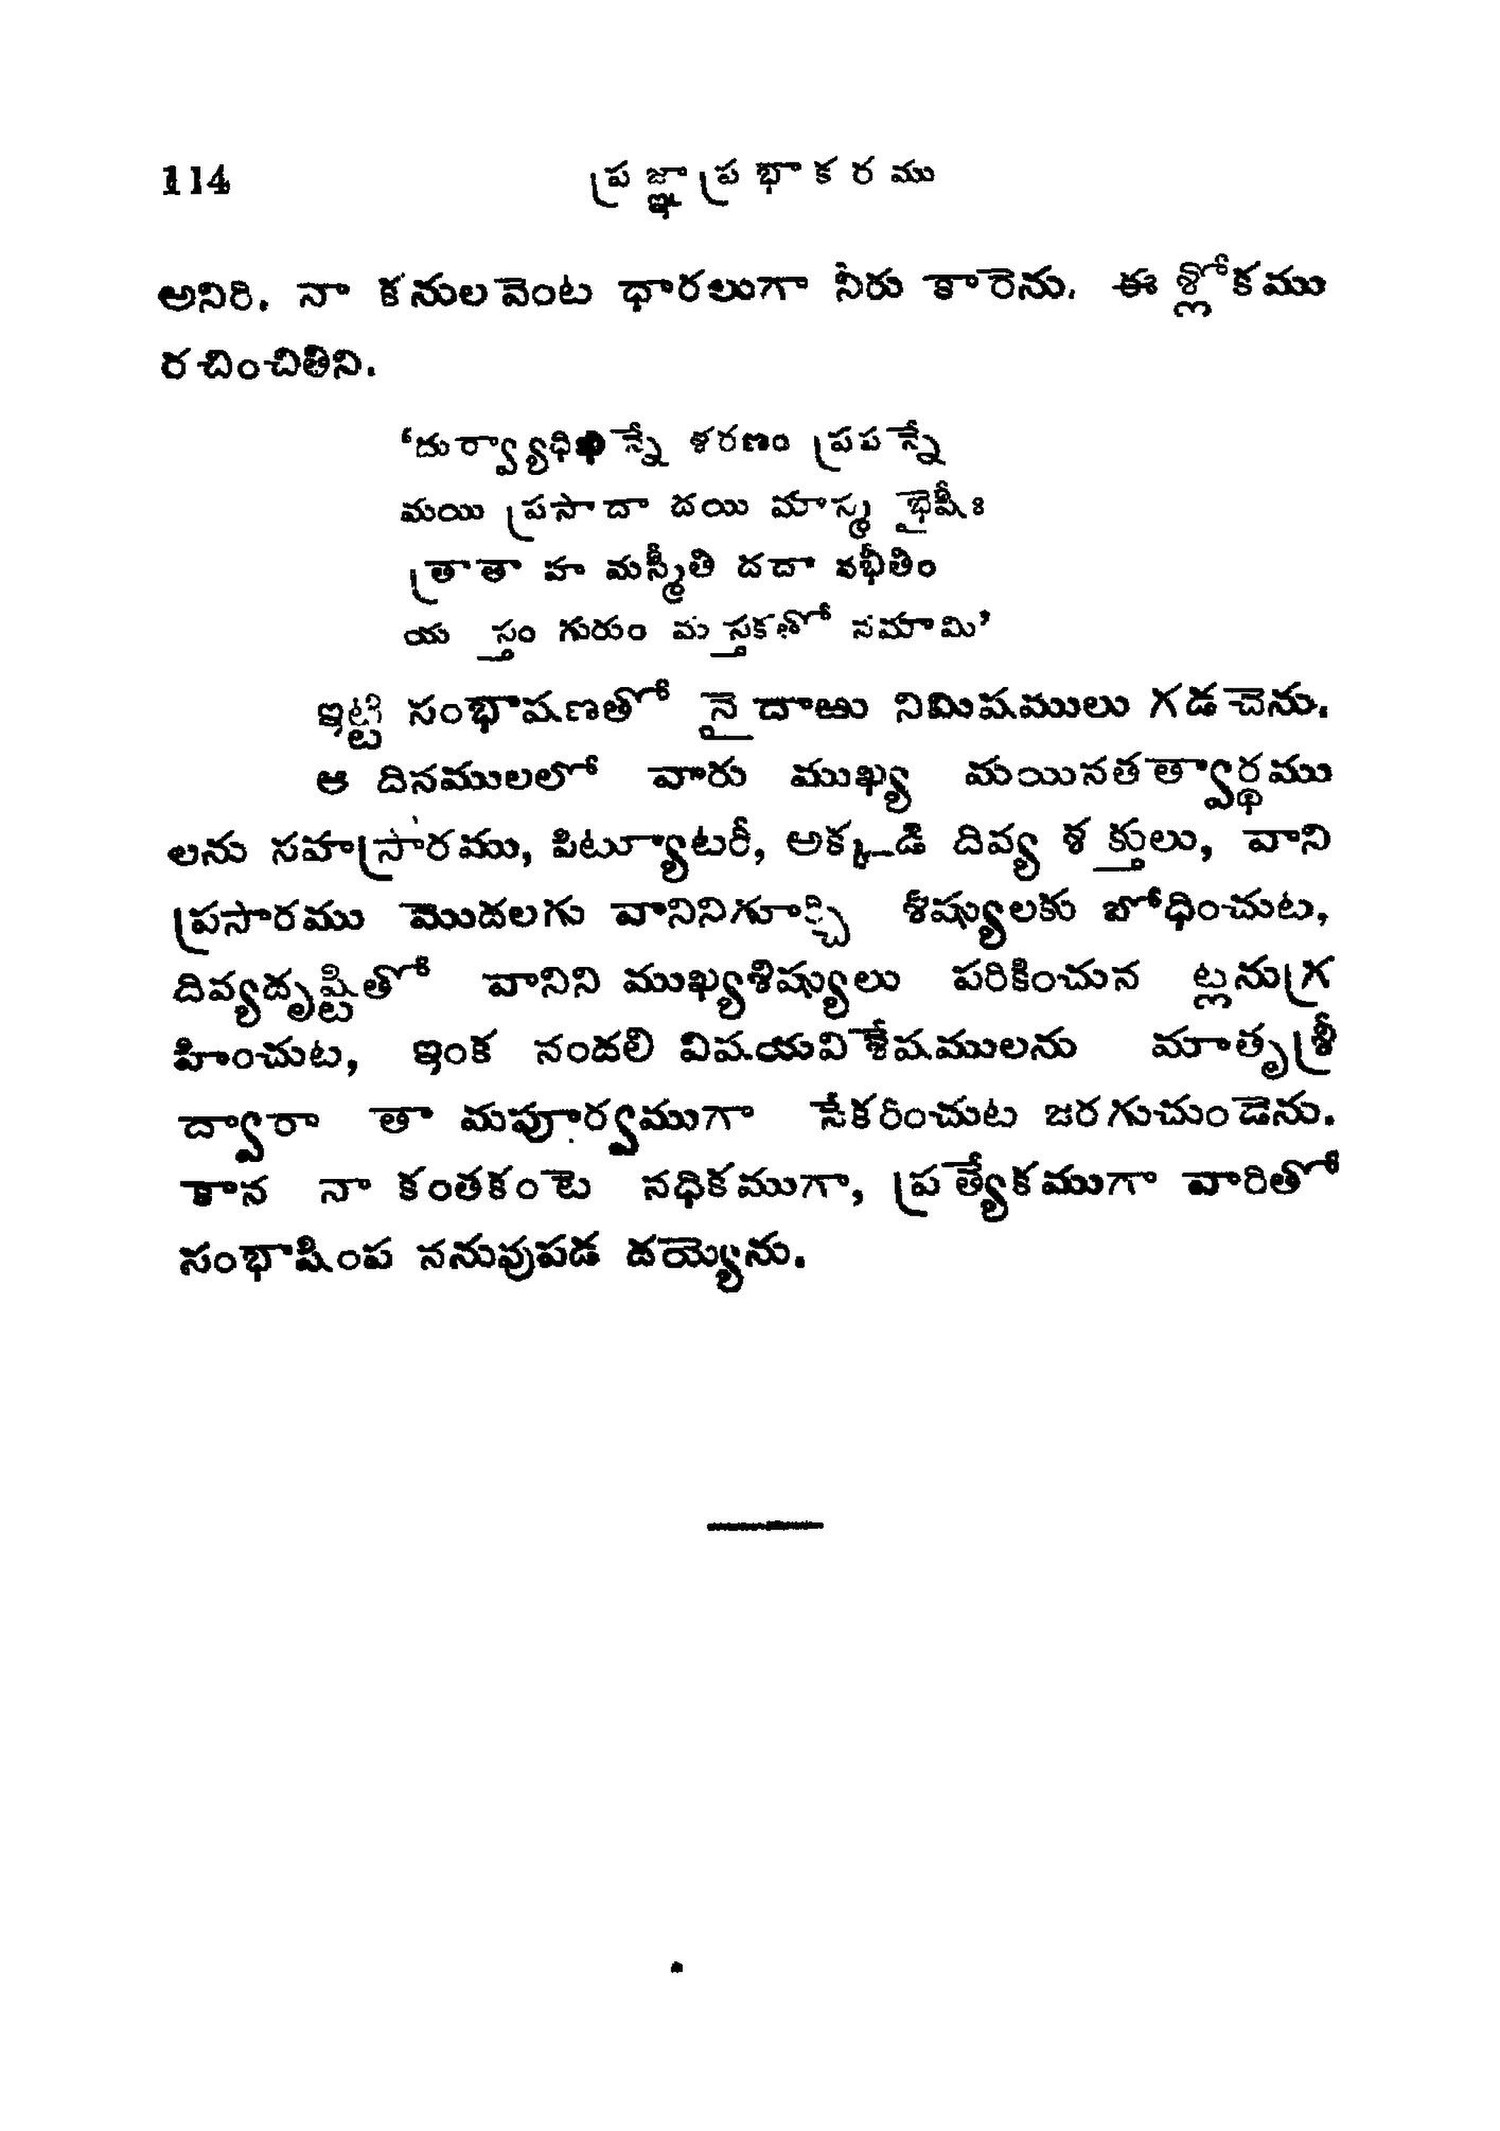అనిరి. నా కనుల వెంట ధారలుగా నీరు కారెను. ఈ శ్లోకము రచించితిని.
 
 ' దుర్వ్యాధిఖి న్నే శరణం ప్రపన్నే 
 మయి ప్రసాదా దయి మాస్మ భైషీః 
 త్రాతా హ మస్మీతి దదా వభీతిం
 య స్తం గురుం మ స్తకతో నమామి'

 ఇట్టి సంభాషణతో నై దాఱు నిమిషములు గడచెను.

 ఆదినములలోవారు ముఖ్యమయిన తత్వార్ధములను సహస్రారము, పిట్యూటరీ, అక్కడి దివ్య శక్తులు, వాని ప్రసారము మొదలగు వానిని గూర్చి శిష్యులు బోధించుట, దివ్యదృష్టితో వానిని ముఖ్య శిష్యులు పరికించుట ట్లను గ్రహించుట, ఇంక నందలి విషయవి శేషములను మాతృ శ్రీ ద్వారా తా మపూర్వముగా సేకరించుట జరగుచుండెను. కాన నా కంతకంటె నధికముగా, ప్రత్యేకముగా వారితో సంభాషింప ననువుపడ దయ్యెను.

 ----